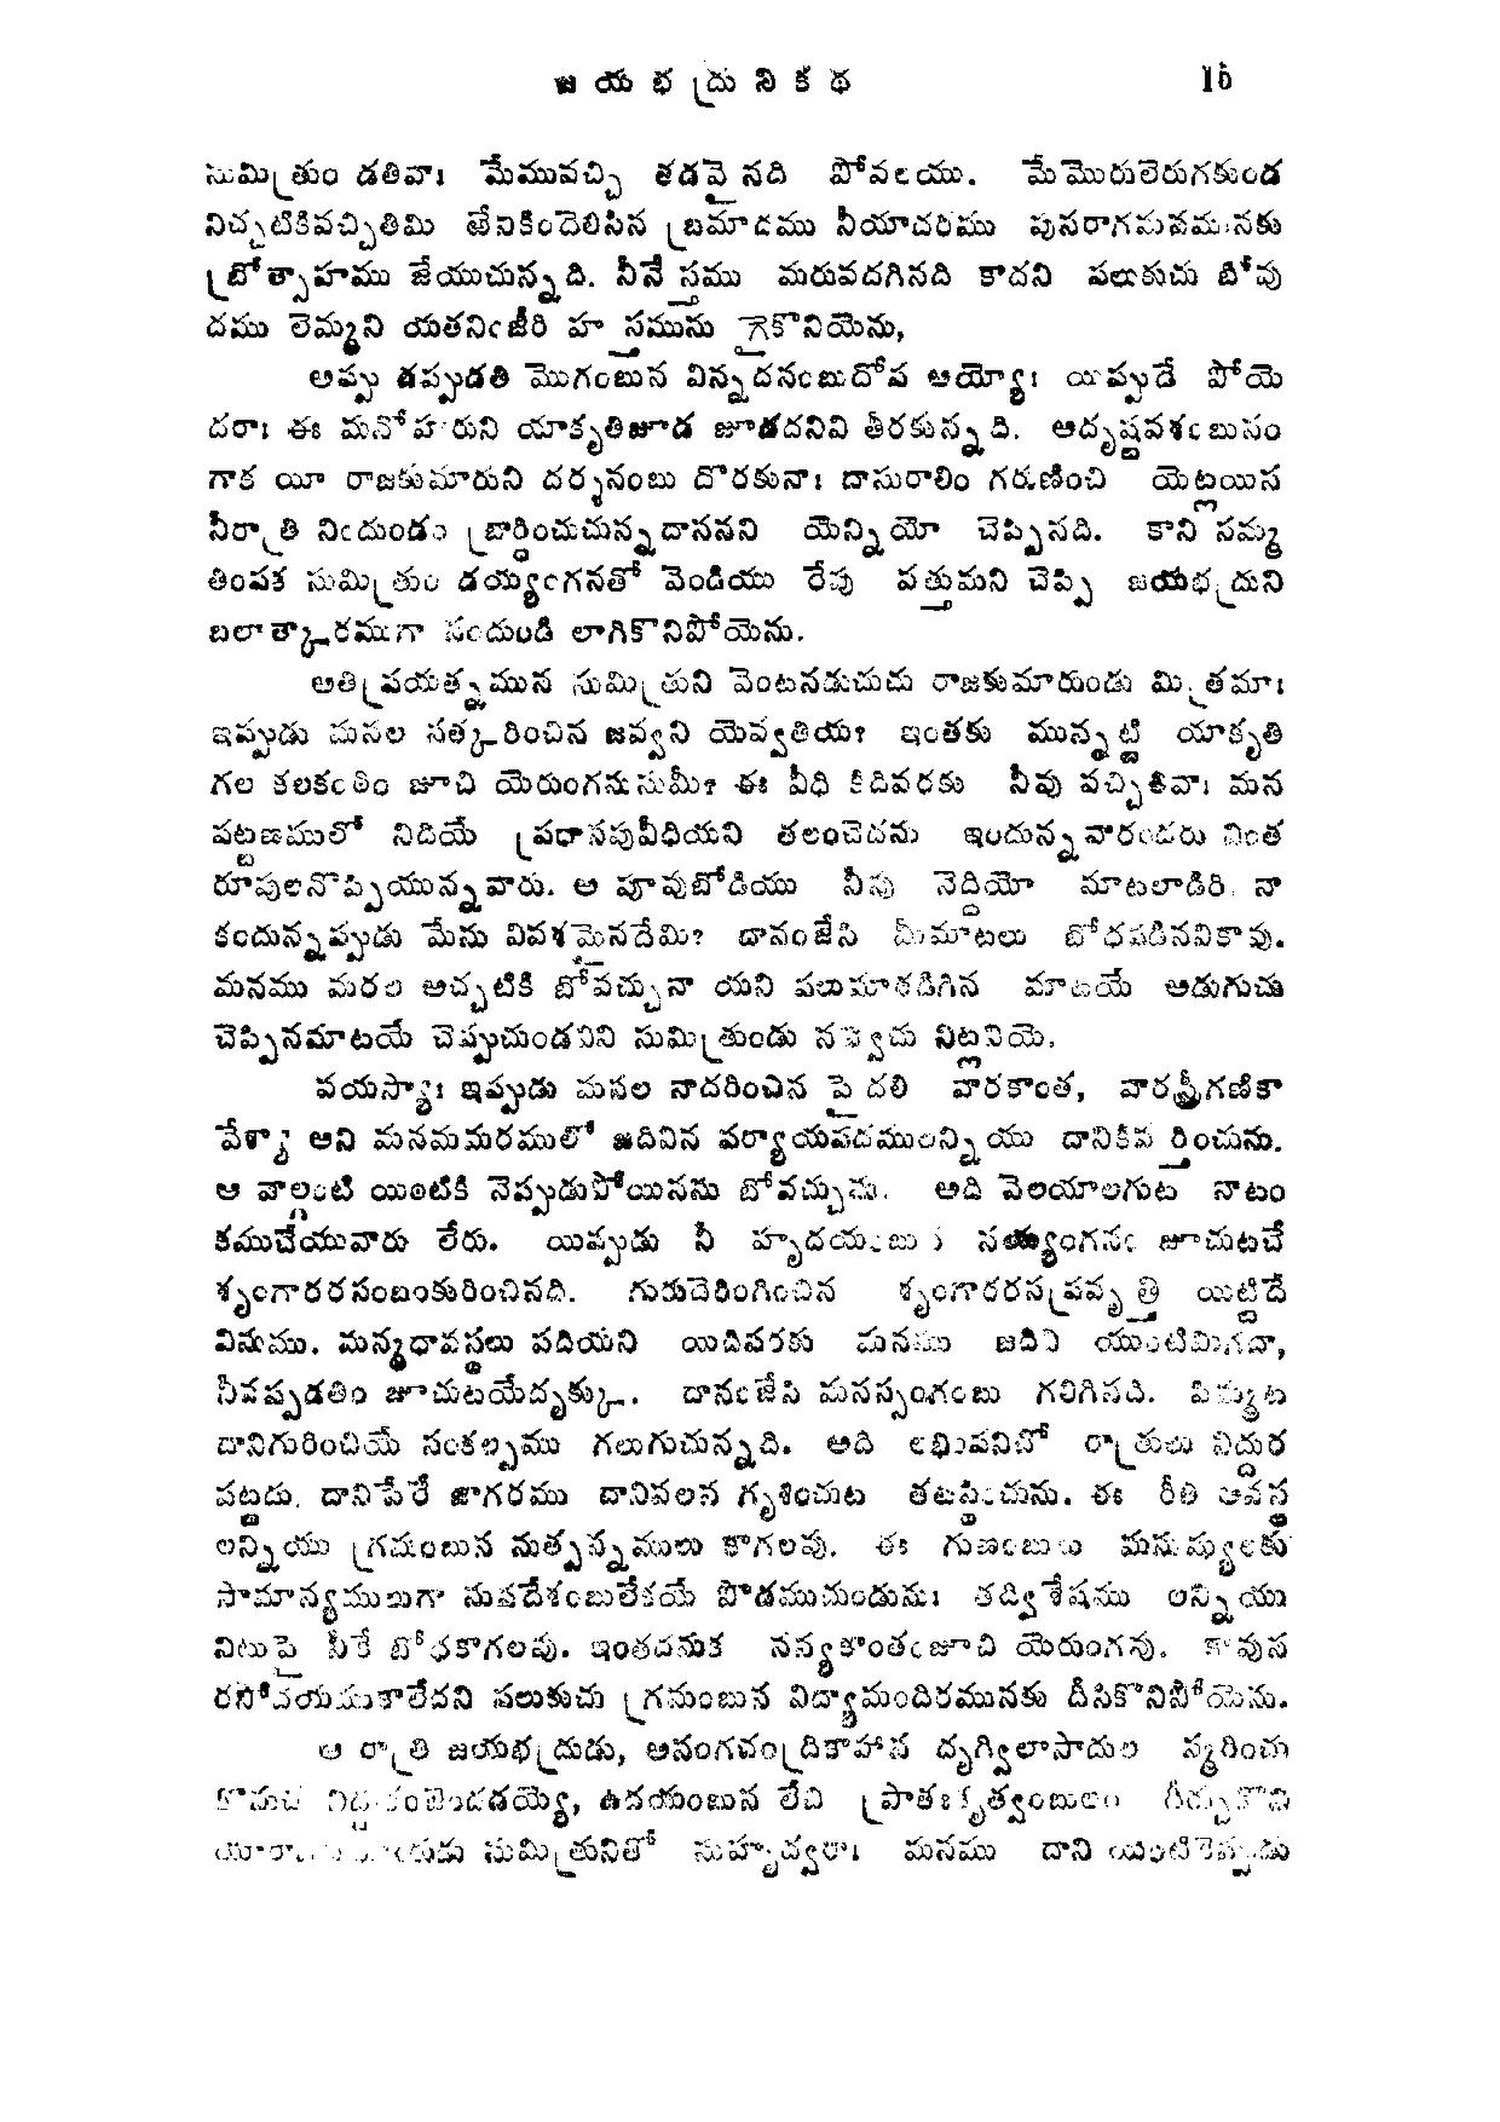సుమిత్రుం డతివా! మేము వచ్చి తడవైనది పోవలయు. మే మొరు లెరుగకుండ నిచ్చటికి వచ్చితిమి ఱేనికిం దెలిసిన బ్రమాదము నీయాదరము పునరాగమనమునకు బ్రోత్సాహము జేయుచున్నది. నీనేస్తము మరువదగినది కాదని పలుకుచు బోవుదము లెమ్మని యతనిఁజీరి హ స్తమును గైకొనియెను.

అప్పు డప్పుడతి మొగంబున విన్నదనంబుదోప అయ్యో! యిప్పుడే పోయెదరా! ఈ మనోహరుని యాకృతిజూడ జూడదనివి తీరకున్నది. అదృష్టవశంబునం గాక యీ రాజకుమారుని దర్శనంబు దొరకునా! దాసురాలిం గరుణించి యెట్లయిన నీరాత్రి నిందుండం బ్రార్ధించుచున్న దాననని యెన్నియో చెప్పినది. కాని సమ్మతింపక సుమిత్రుం డయ్యంగనతో వెండియు రేపు వత్తుమని చెప్పి జయభద్రుని బలాత్కారముగా నందుండి లాగికొనిపోయెను.

అతి ప్రయత్నమున సుమిత్రుని వెంటనడుచుచు రాజకుమారుండు మిత్రమా! ఇప్పుడు మనల సత్కరించిన జవ్వని యెవ్వతియ? ఇంతకు మున్నట్టి యాకృతి గల కలకంఠిం జూచి యెరుంగనుసుమీ? ఈ వీథి కిదివరకు నీవు వచ్చితివా! మన పట్టణములో నిదియే ప్రధానపువీథియని తలంచెదను. ఇందున్న వారందరు వింతరూపులనొప్పియున్న వారు. ఆ పూవుబోడియు నీవు నెద్దియో మాటలాడిరి. నా కందున్నప్పుడు మేను వివశమైనదేమి? దానంజేసి మీమాటలు బోధపడినవికావు. మనము మరల అచ్చటికి బోవచ్చునా యని పలుమారడిగిన మాటయే అడుగుచు చెప్పినమాటయే చెప్పుచుండవిని సుమిత్రుండు నవ్వుచు నిట్లనియె.

వయస్యా! ఇప్పుడు మనల నాదరించిన పైదలి వారకాంత, వారస్త్రీ గణికా వేశ్యా అని మన మమరములో జదివిన పర్యాయపదములన్నియు దానికివర్తించును. ఆ వాల్గంటి యింటికి నెప్పుడుపోయినను బోవచ్చును. అది వెలయాలగుట నాటంకముచేయువారు లేరు. యిప్పుడు నీ హృదయంబులో నయ్యంగనఁ జూచుటచే శృంగారరసం బంకురించినది. గురు డెరింగించిన శృంగారరసప్రవృత్తి యిట్టిదే
వినుము. మన్మథావస్థలు పదియని యిదివరకు మనము జదివి యుంటిమిగదా, నీవప్పడతిం జూచుటయే దృక్కు. దానంజేసి మనస్సంగంబు గలిగినది. పిమ్మట దానిగురించియే సంకల్పము గలుగుచున్నది. అది లభింపనిచో రాత్రులు నిద్దుర పట్టదు. దానిపేరే జాగరము. దానివలన గృశించుట తటస్థించును. ఈ రీతి అవస్థలన్నియు గ్రమంబున నుత్పన్నములు కాగలవు. ఈ గుణంబులు మనుష్యులకు సామాన్యములుగా నుపదేశంబులేకయే పొడముచుండును. తద్విశేషము లన్నియు నిటుపై నీకే బోధకాగలవు. ఇంతదనుక నన్యకాంతఁజూచి యెరుంగవు. కావున రసోదయముకాలేదని పలుకుచు గ్రమంబున విద్యామందిరమునకు దీసికొనిపోయెను.

ఆ రాత్రి జయభద్రుడు, అనంగచంద్రికాహాస దృగ్విలాసాదుల స్మరించుకొనుచు నిద్దురంజెందడయ్యె. 
ఉదయంబున లేచి ప్రాతఃకృత్వంబులం దీర్చుకొని యారాజకుమారుఁడు సుమిత్రునితో సుహృద్వరా! మనము దాని యింటికెప్పుడు